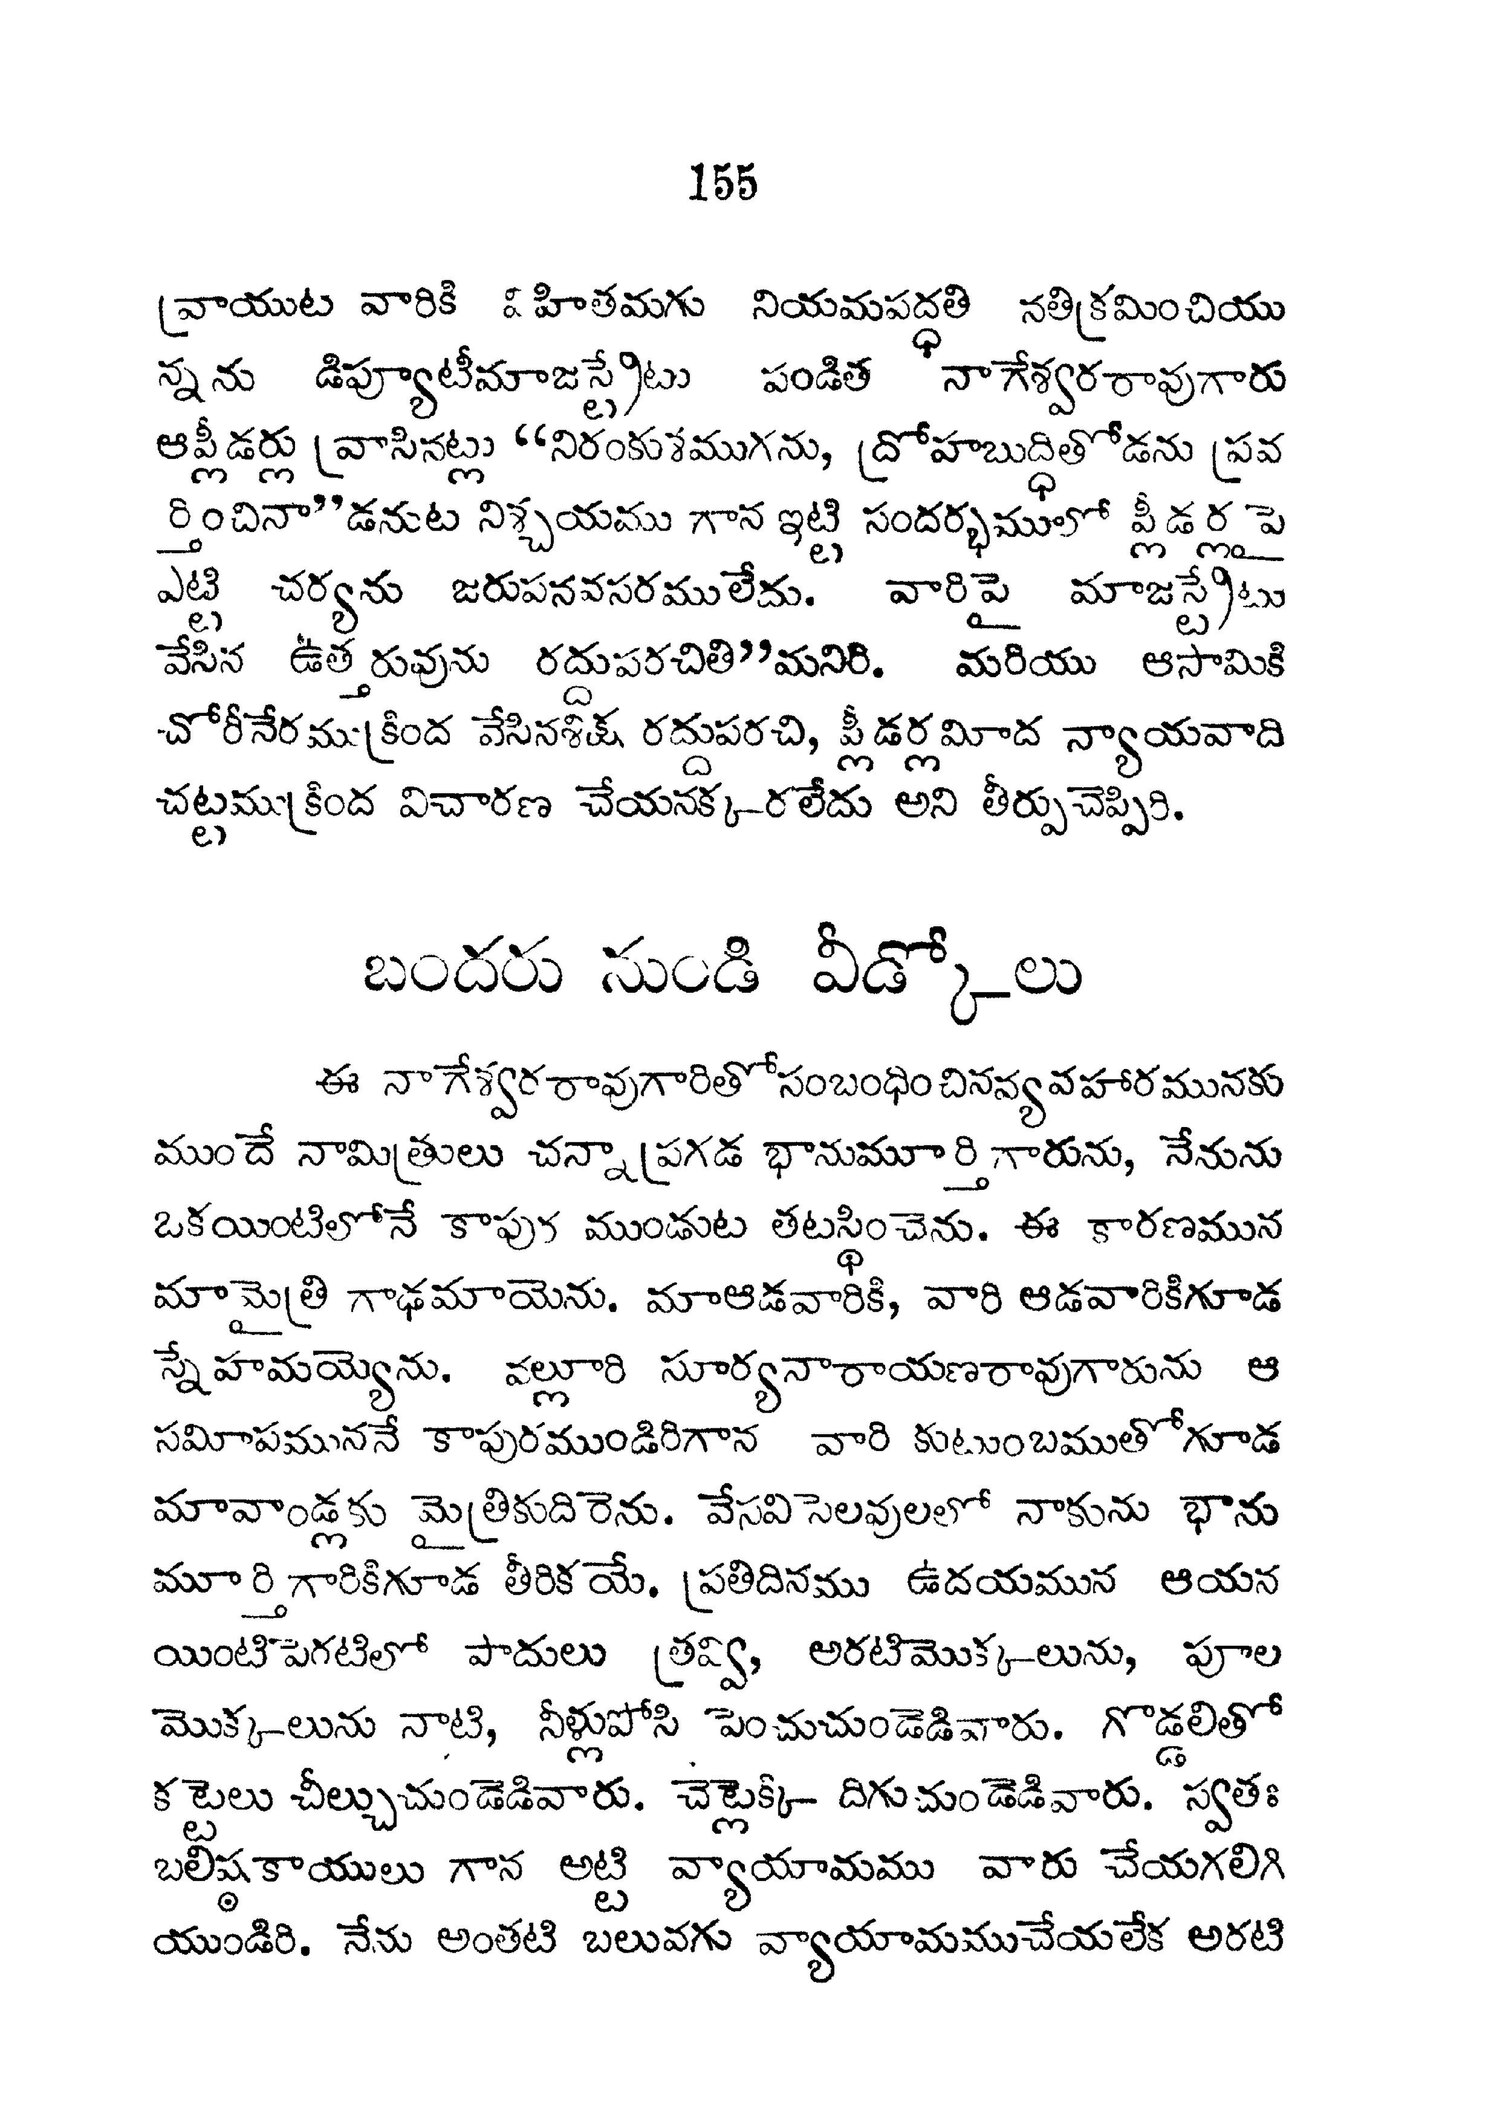వ్రాయుట వారికి విహితమగు నియమపద్ధతి నతిక్రమించియున్నను డిప్యూటీమాజస్ట్రేటు పండిత నాగేశ్వరరావుగారు ఆప్లీడర్లువ్రాసినట్లు "నిరంకుశముగను, ద్రోహబుద్ధితోడను ప్రవర్తించినా"డనుట నిశ్చయము గాన ఇట్టి సందర్భములో ప్లీడర్లపై ఎట్టి చర్యను జరుపనవసరములేదు. వారిపై మాజస్ట్రేటు వేసిన ఉత్తరువును రద్దుపరచితి"మనిరి. మరియు ఆసామికి చోరీనేరముక్రింద వేసినశిక్ష రద్దుపరచి, ప్లీడర్లమీద న్యాయవాది చట్టముక్రింద విచారణ చేయనక్కరలేదు అని తీర్పుచెప్పిరి.

ఈ నాగేశ్వరరావుగారితో సంబంధించిన వ్యవహారమునకు ముందే నామిత్రులు చన్నాప్రగడ భానుమూర్తిగారును, నేనును ఒకయింటిలోనే కాపుర ముండుట తటస్థించెను. ఈ కారణమున మామైత్రి గాడమాయెను. మాఆడవారికి, వారి ఆడవారికిగూడ స్నేహమయ్యెను. వల్లూరి సూర్యనారాయణరావుగారును ఆ సమీపముననే కాపురముండిరిగాన వారి కుటుంబముతోగూడ మావాండ్లకు మైత్రికుదిరెను. వేసవిసెలవులలో నాకును భానుమూర్తిగారికిగూడ తీరికయే. ప్రతిదినము ఉదయమున ఆయన యింటిపెరటిలో పాదులు త్రవ్వి, అరటిమొక్కలును, పూల మొక్కలును నాటి, నీళ్లుపోసి పెంచుచుండెడివారు. గొడ్డలితో కట్టెలు చీల్చుచుండెడివారు. చెట్లెక్కి దిగుచుండెడివారు. స్వత: బలిష్ఠకాయులు గాన అట్టి వ్యాయామము వారు చేయగలిగి యుండిరి. నేను అంతటి బలువగు వ్యాయామముచేయలేక అరటి